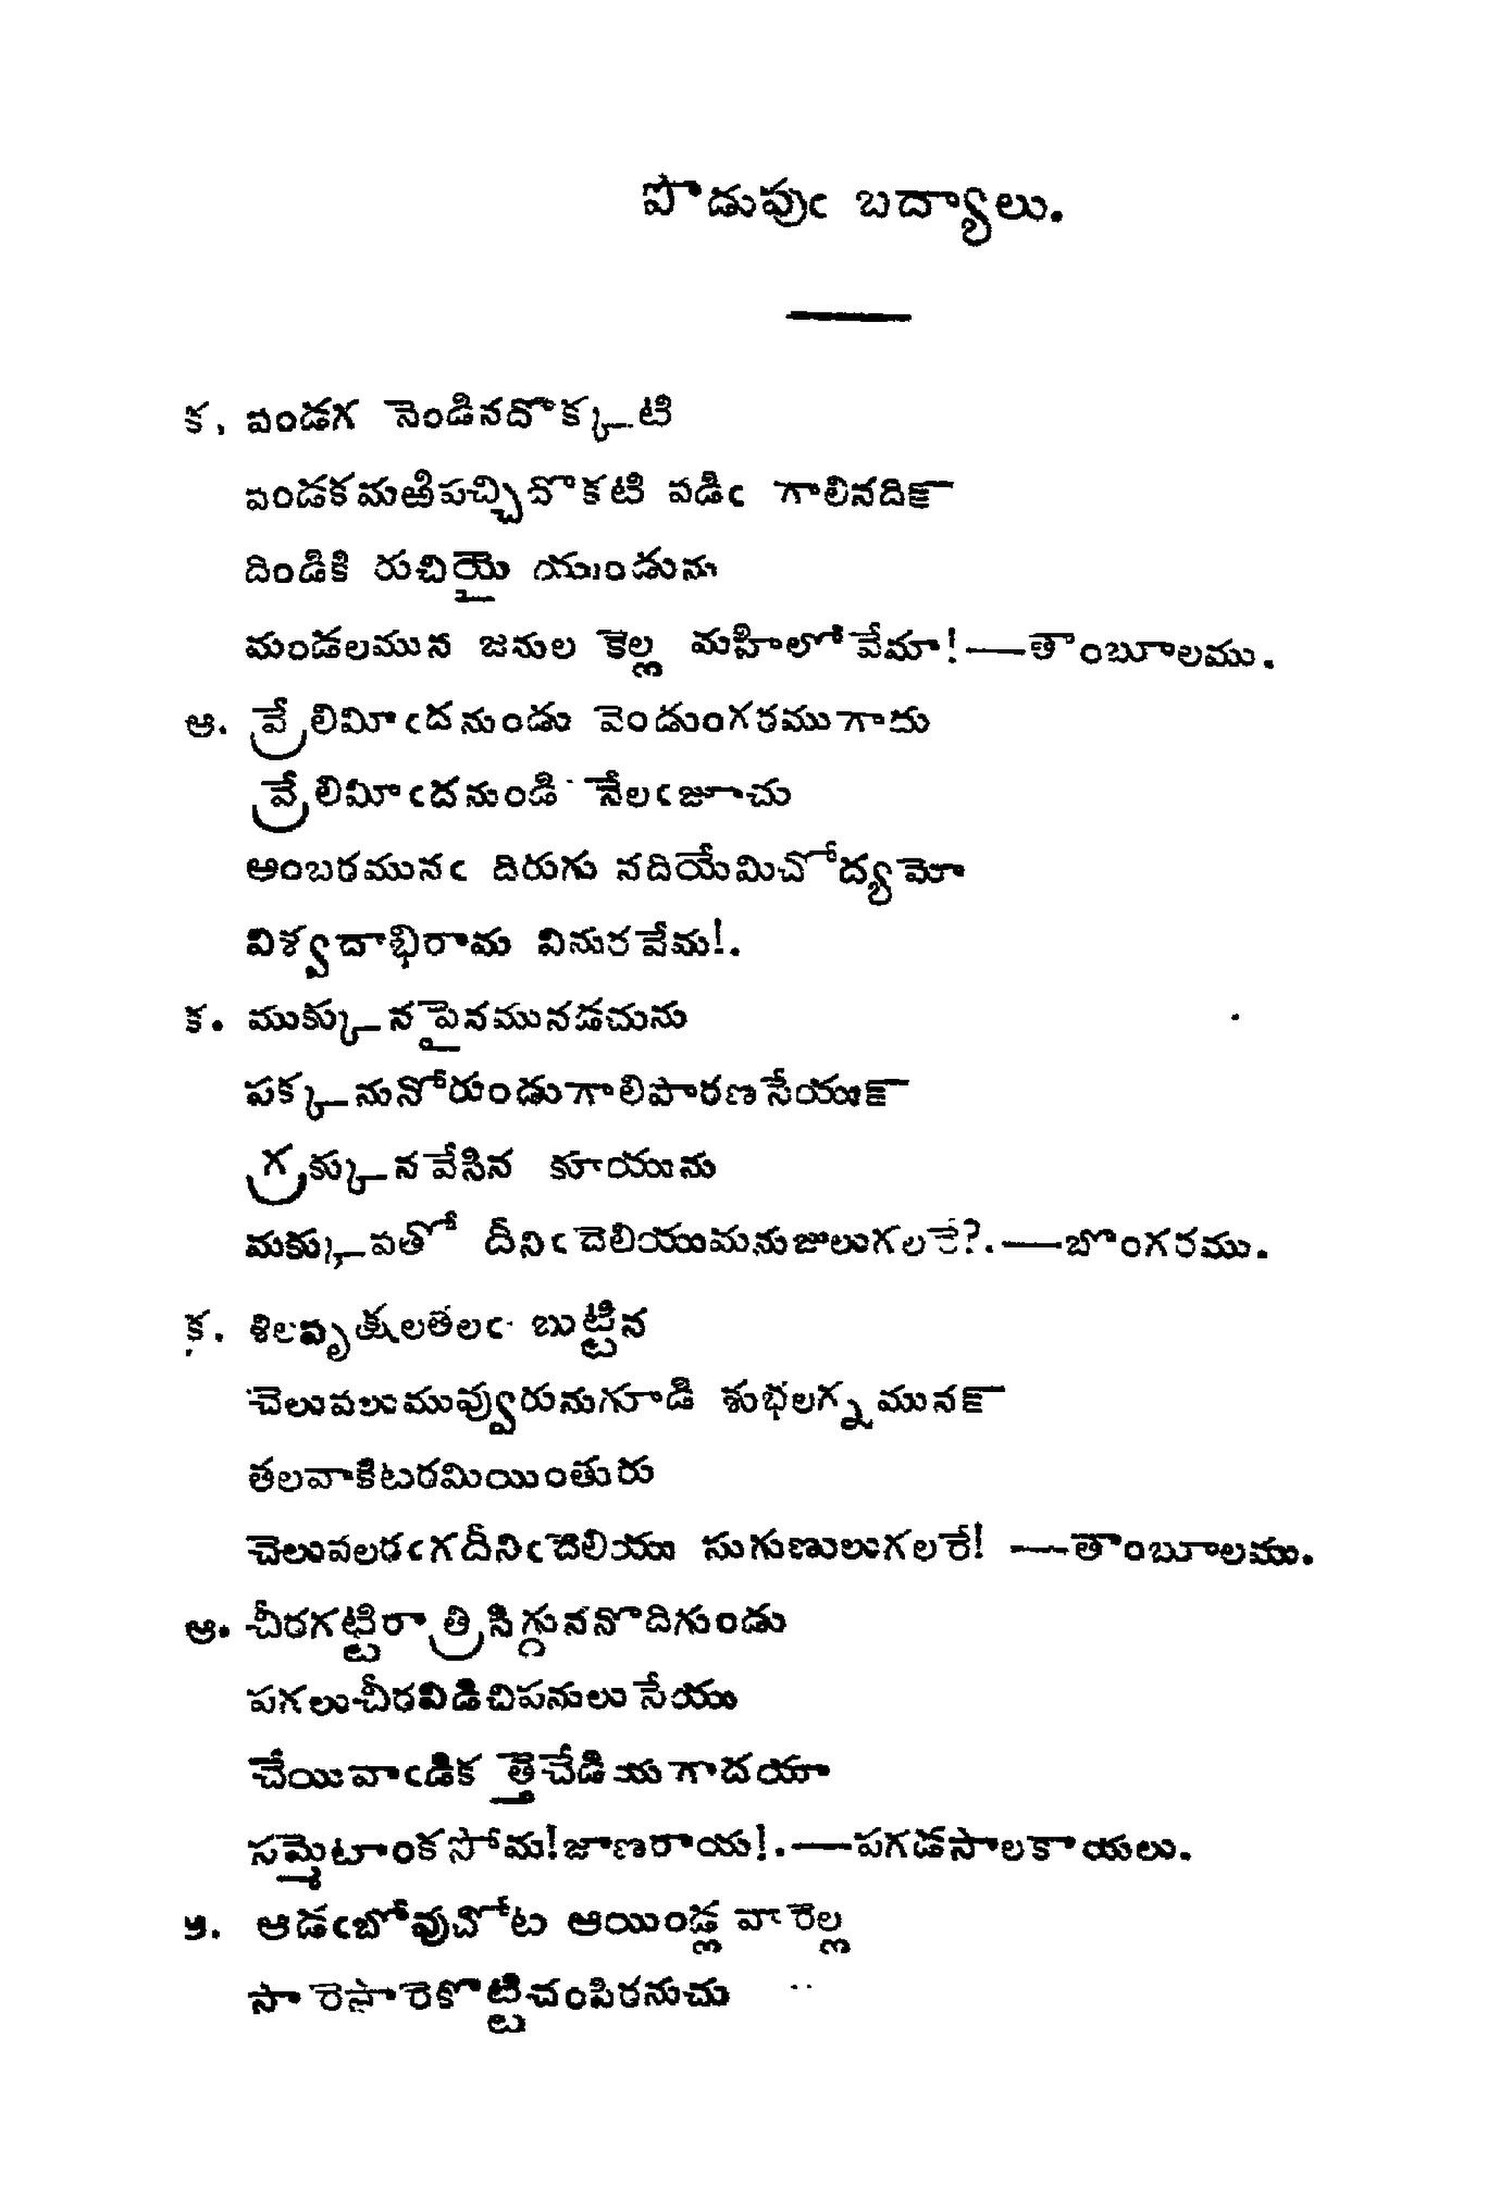క. వండగ నెండినదొక్కటి
 వండక మఱి పచ్చిదొకటి వడిఁ గాలినదిన్
 దిండికి రుచియై యుండును
 మండలమున జనుల కెల్ల మహిలో వేమా!—తాంబూలము
ఆ. వ్రేలిమీఁదనుండు వెండుంగరము గాదు
 వ్రేలిమీఁదనుండి నేలఁజూచు
 అంబరమునఁ దిరుగు నది యేమి చోద్యమో
 విశ్వదాభిరామ వినురవేమ!
క. ముక్కున పైనము నడచును
 పక్కను నోరుండు గాలి పారణసేయున్
 గ్రక్కున వేసిన కూయును
 మక్కువతో దీనిఁదెలియు మనుజులు గలరే?—బొంగరము
క. శిలవృక్షలతలఁ బుట్టిన
 చెలువలు మువ్వురును గూడి శుభలగ్నమునన్
 తలవాకిట రమియింతురు
 చెలువలరఁగ దీనిఁ దెలియు సుగుణుల గలరే!—తాంబూలము
ఆ. చీరగట్టి రాత్రి సిగ్గున నొదిగుండు
 పగలు చీర విడిచి పనులు సేయు
 చేయివాఁడికత్తెచేడియ గాదయా
 సమ్మెటాంకసోమ! జాణరాయ!—పగడసాలకాయలు
ఆ. ఆడఁబోవుచోట ఆయిండ్లవారెల్ల
 సారెసారెకొట్టి చంపిరనుచు